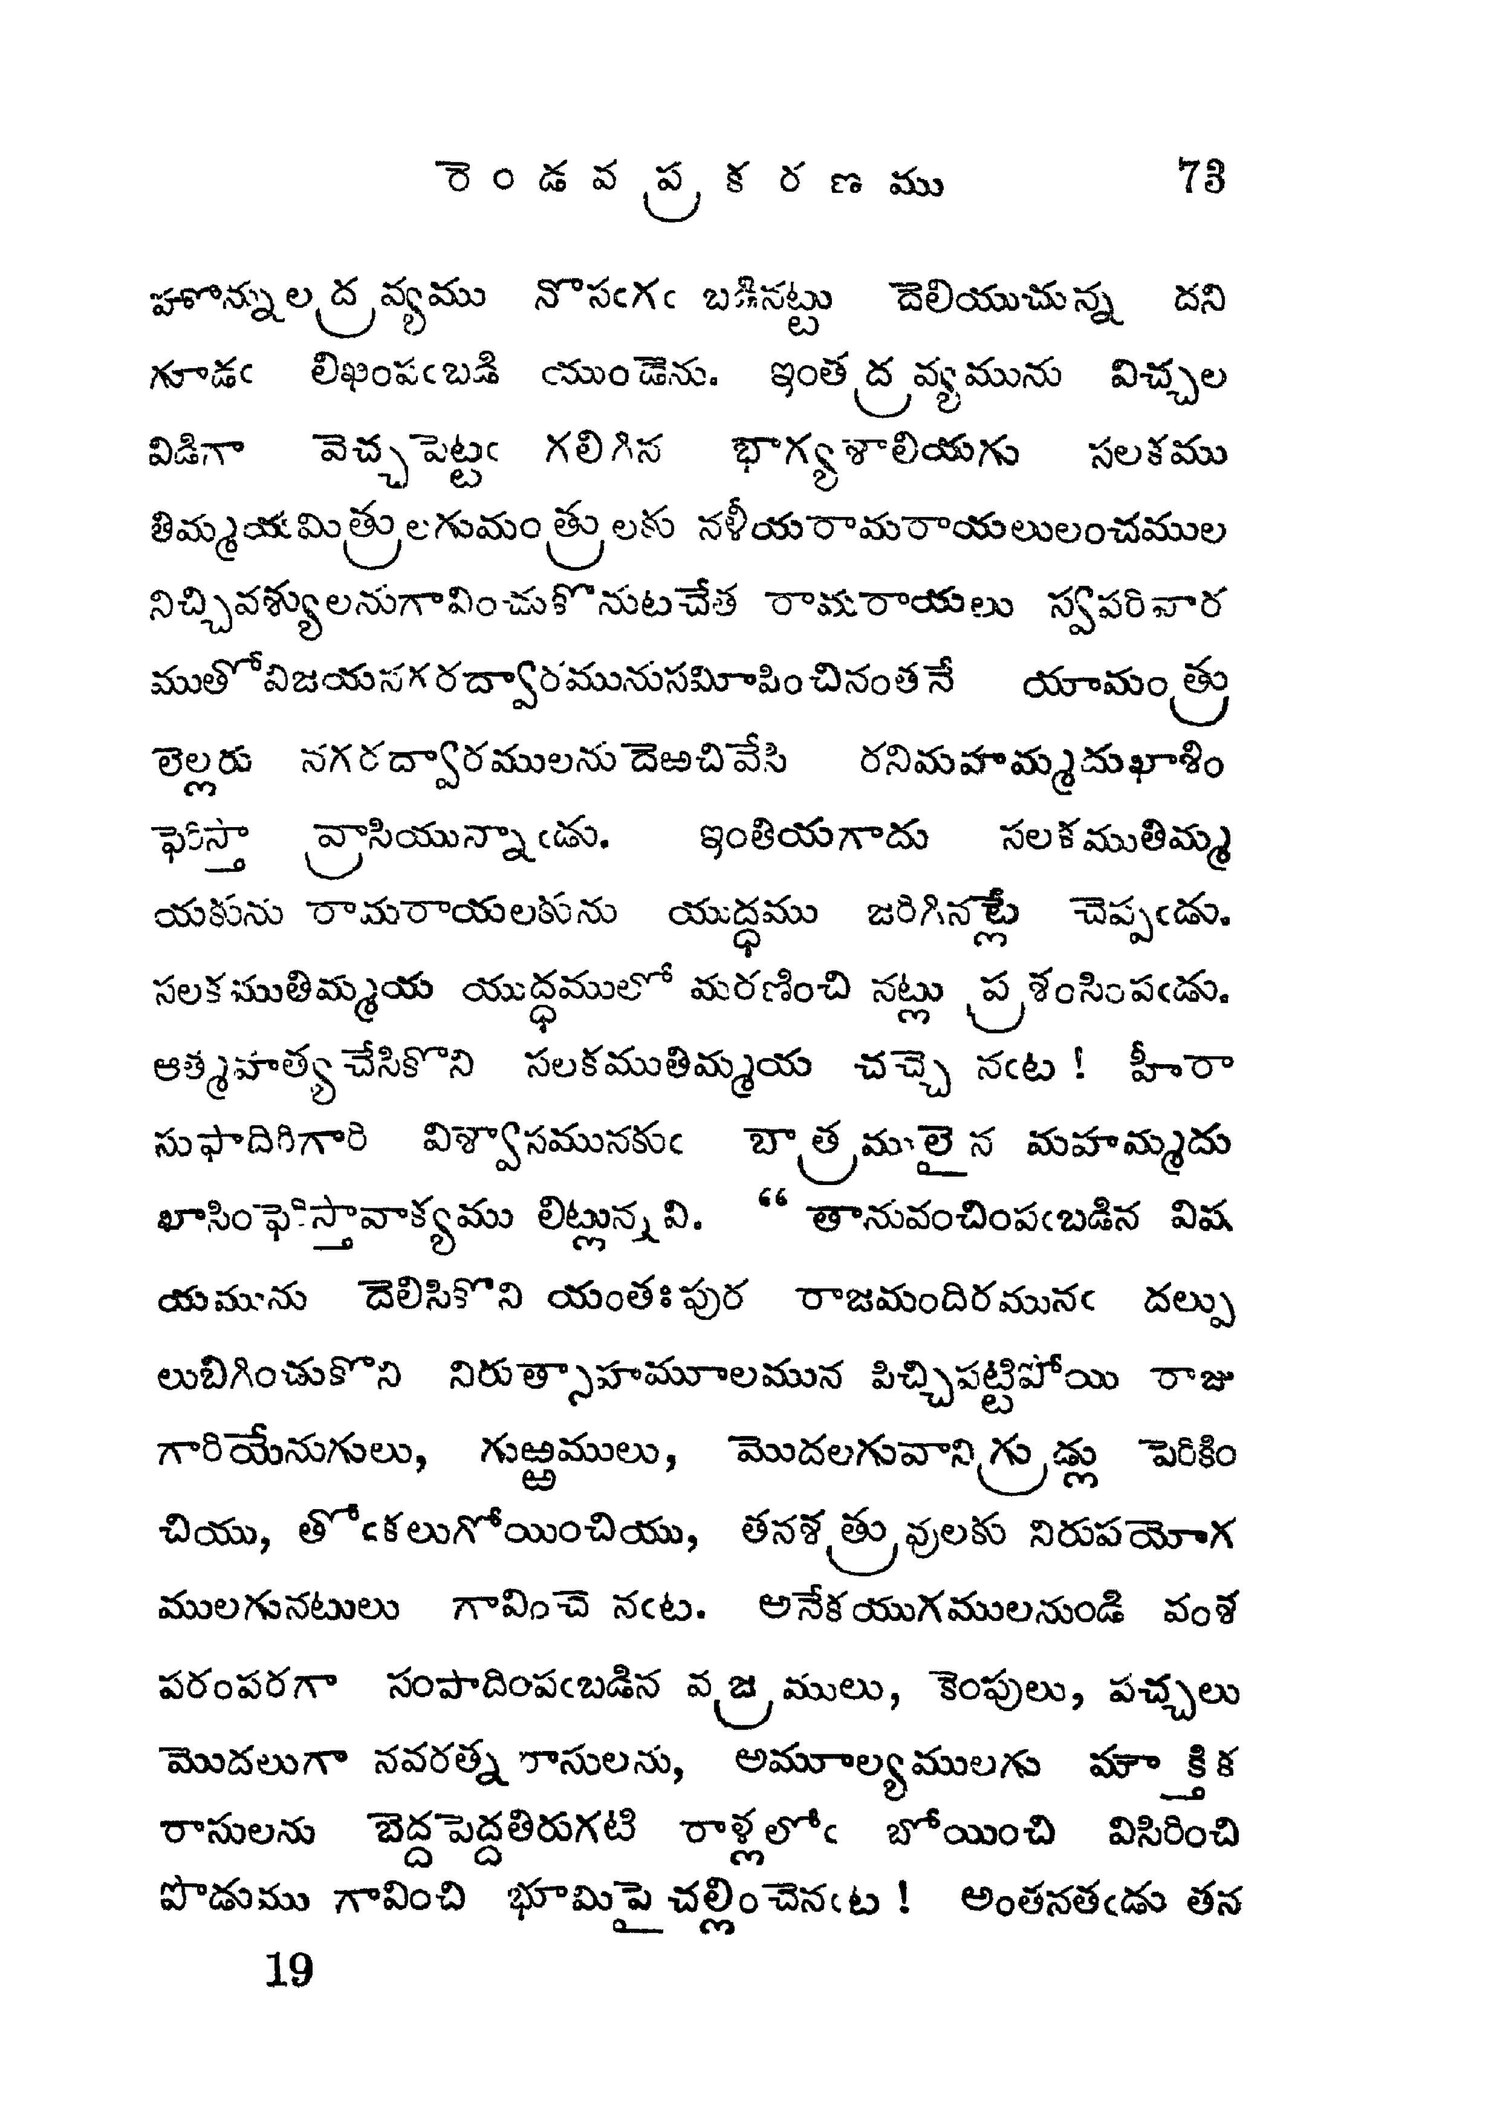హొన్నులద్రవ్యము నొసగ బడినట్టు దెలియుచున్న దనిగూడ లిఖింపబడి యుండెను. ఇంతద్రవ్యమును విచ్చలవిడిగా వెచ్చపెట్ట గలిగిన భాగ్యశాలియగు సలకముతిమ్మయమిత్రులగుమంత్రులకు నళీయరామరాయలులంచములనిచ్చి వశ్యులనుగావించుకొనుటచేత రామరాయలు స్వపరివారముతో విజయనగరద్వారమును సమీపించినంతనే యామంత్రులెల్లరు నగరద్వారములనుదెఱచివేసి రనిమహమ్మదుఖాశిం ఫెరిస్తా వ్రాసియున్నాడు. ఇంతియగాదు సలకముతిమ్మయకును రామరాయలకును యుద్ధము జరిగినట్లే చెప్పడు. సలకముతిమ్మయ యుద్ధములో మరణించి నట్లు ప్రశంసింపడు. ఆత్మహత్యచేసికొని సలకముతిమ్మయ చచ్చె నట! హీరానుఫాదిరిగారి విశ్వాసమునకు బాత్రములైన మహమ్మదుఖాసింఫెరిస్తావాక్యము లిట్లున్నవి. "తానువంచింపబడిన విషయమును దెలిసికొని యంత:పుర రాజమందిరమున దల్పులుబిగించుకొని నిరుత్సాహమూలమున పిచ్చిపట్టిపోయి రాజుగారియేనుగులు, గుఱ్ఱములు, మొదలగువానిగ్రుడ్లు పెరికించియు, తోకలుగోయించియు, తనశత్రువులకు నిరుపయోగములగునటులు గావించె నట. అనేకయుగములనుండి వంశ పరంపరగా సంపాదింపబడిన వజ్రములు, కెంపులు, పచ్చలు మొదలుగా నవరత్న రాసులను, అమూల్యములగు మౌక్తిక రాసులను బెద్దపెద్దతిరుగటి రాళ్లలో బోయించి విసిరించి పొడుము గావించి భూమిపై చల్లించెనట! అంతనతడు తన